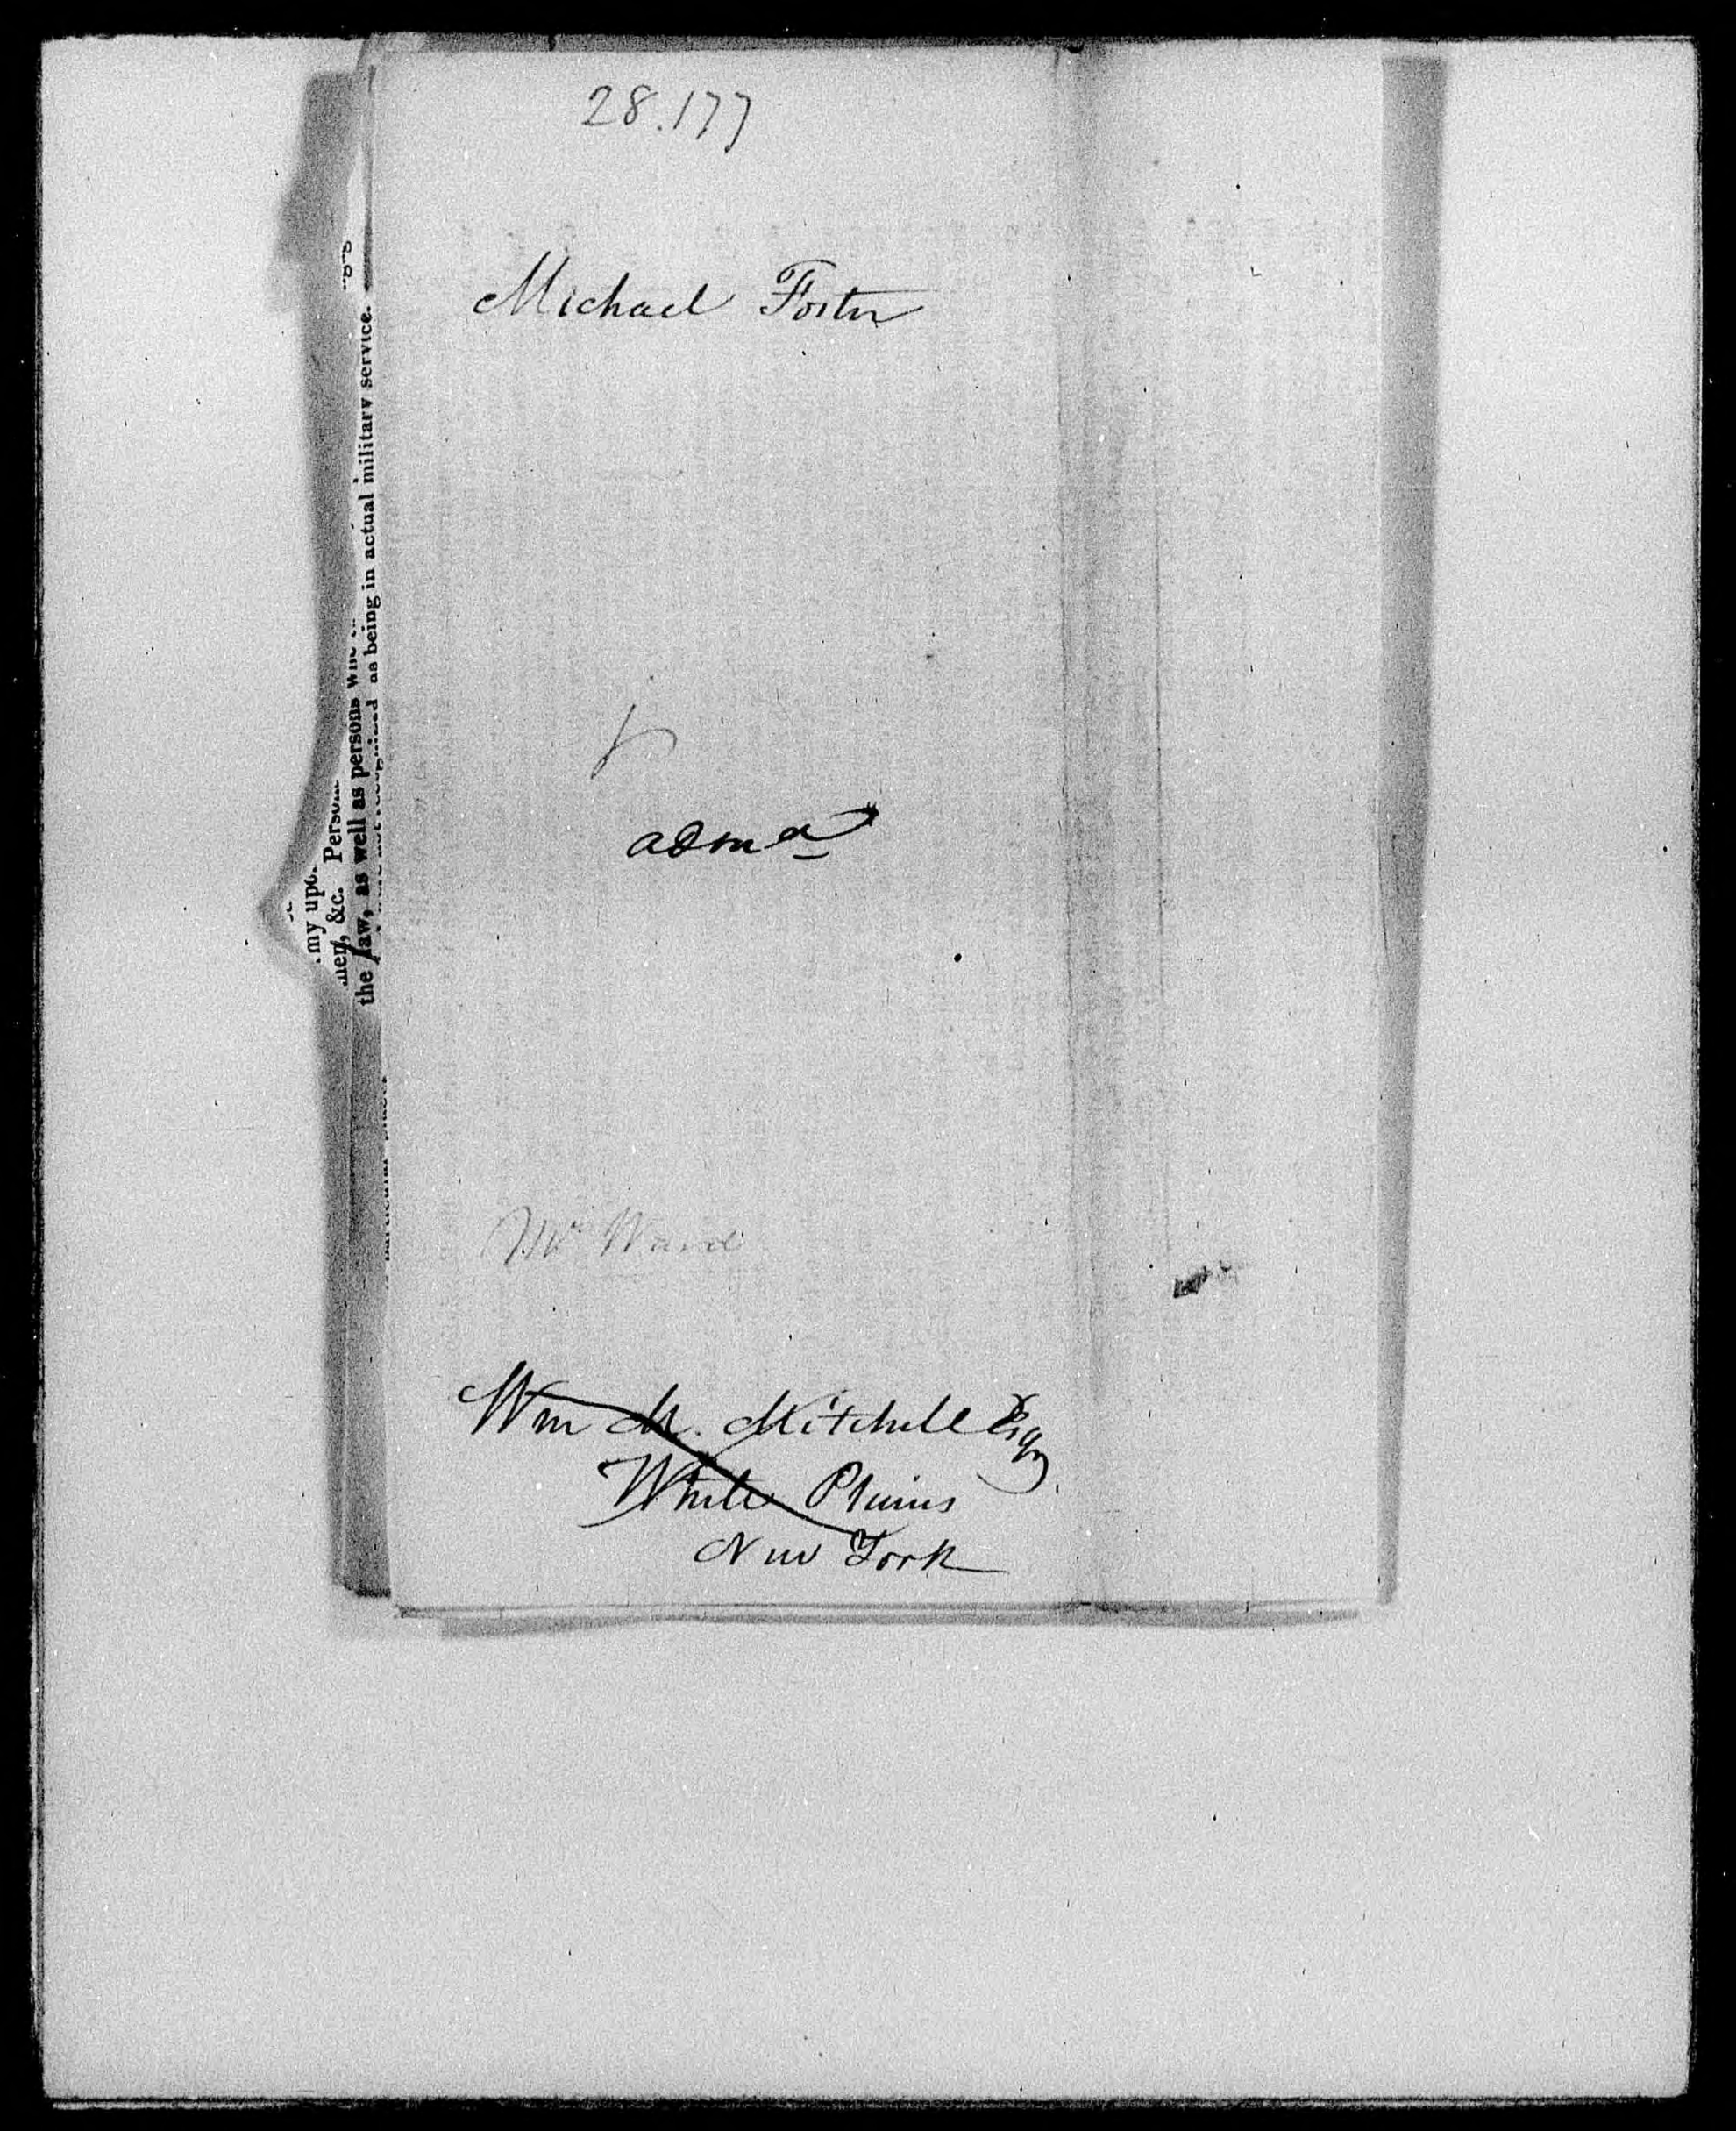28.177


Michael Foster



admd.


W. Ward

(X through below address)
Wm M. Mitchell Esq
White Plains
New York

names: Ward, Wm M Mitchell, Michael Foster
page: 24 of 57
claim: widow's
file: W. 5275 1/2, Michael Foster, Penn.